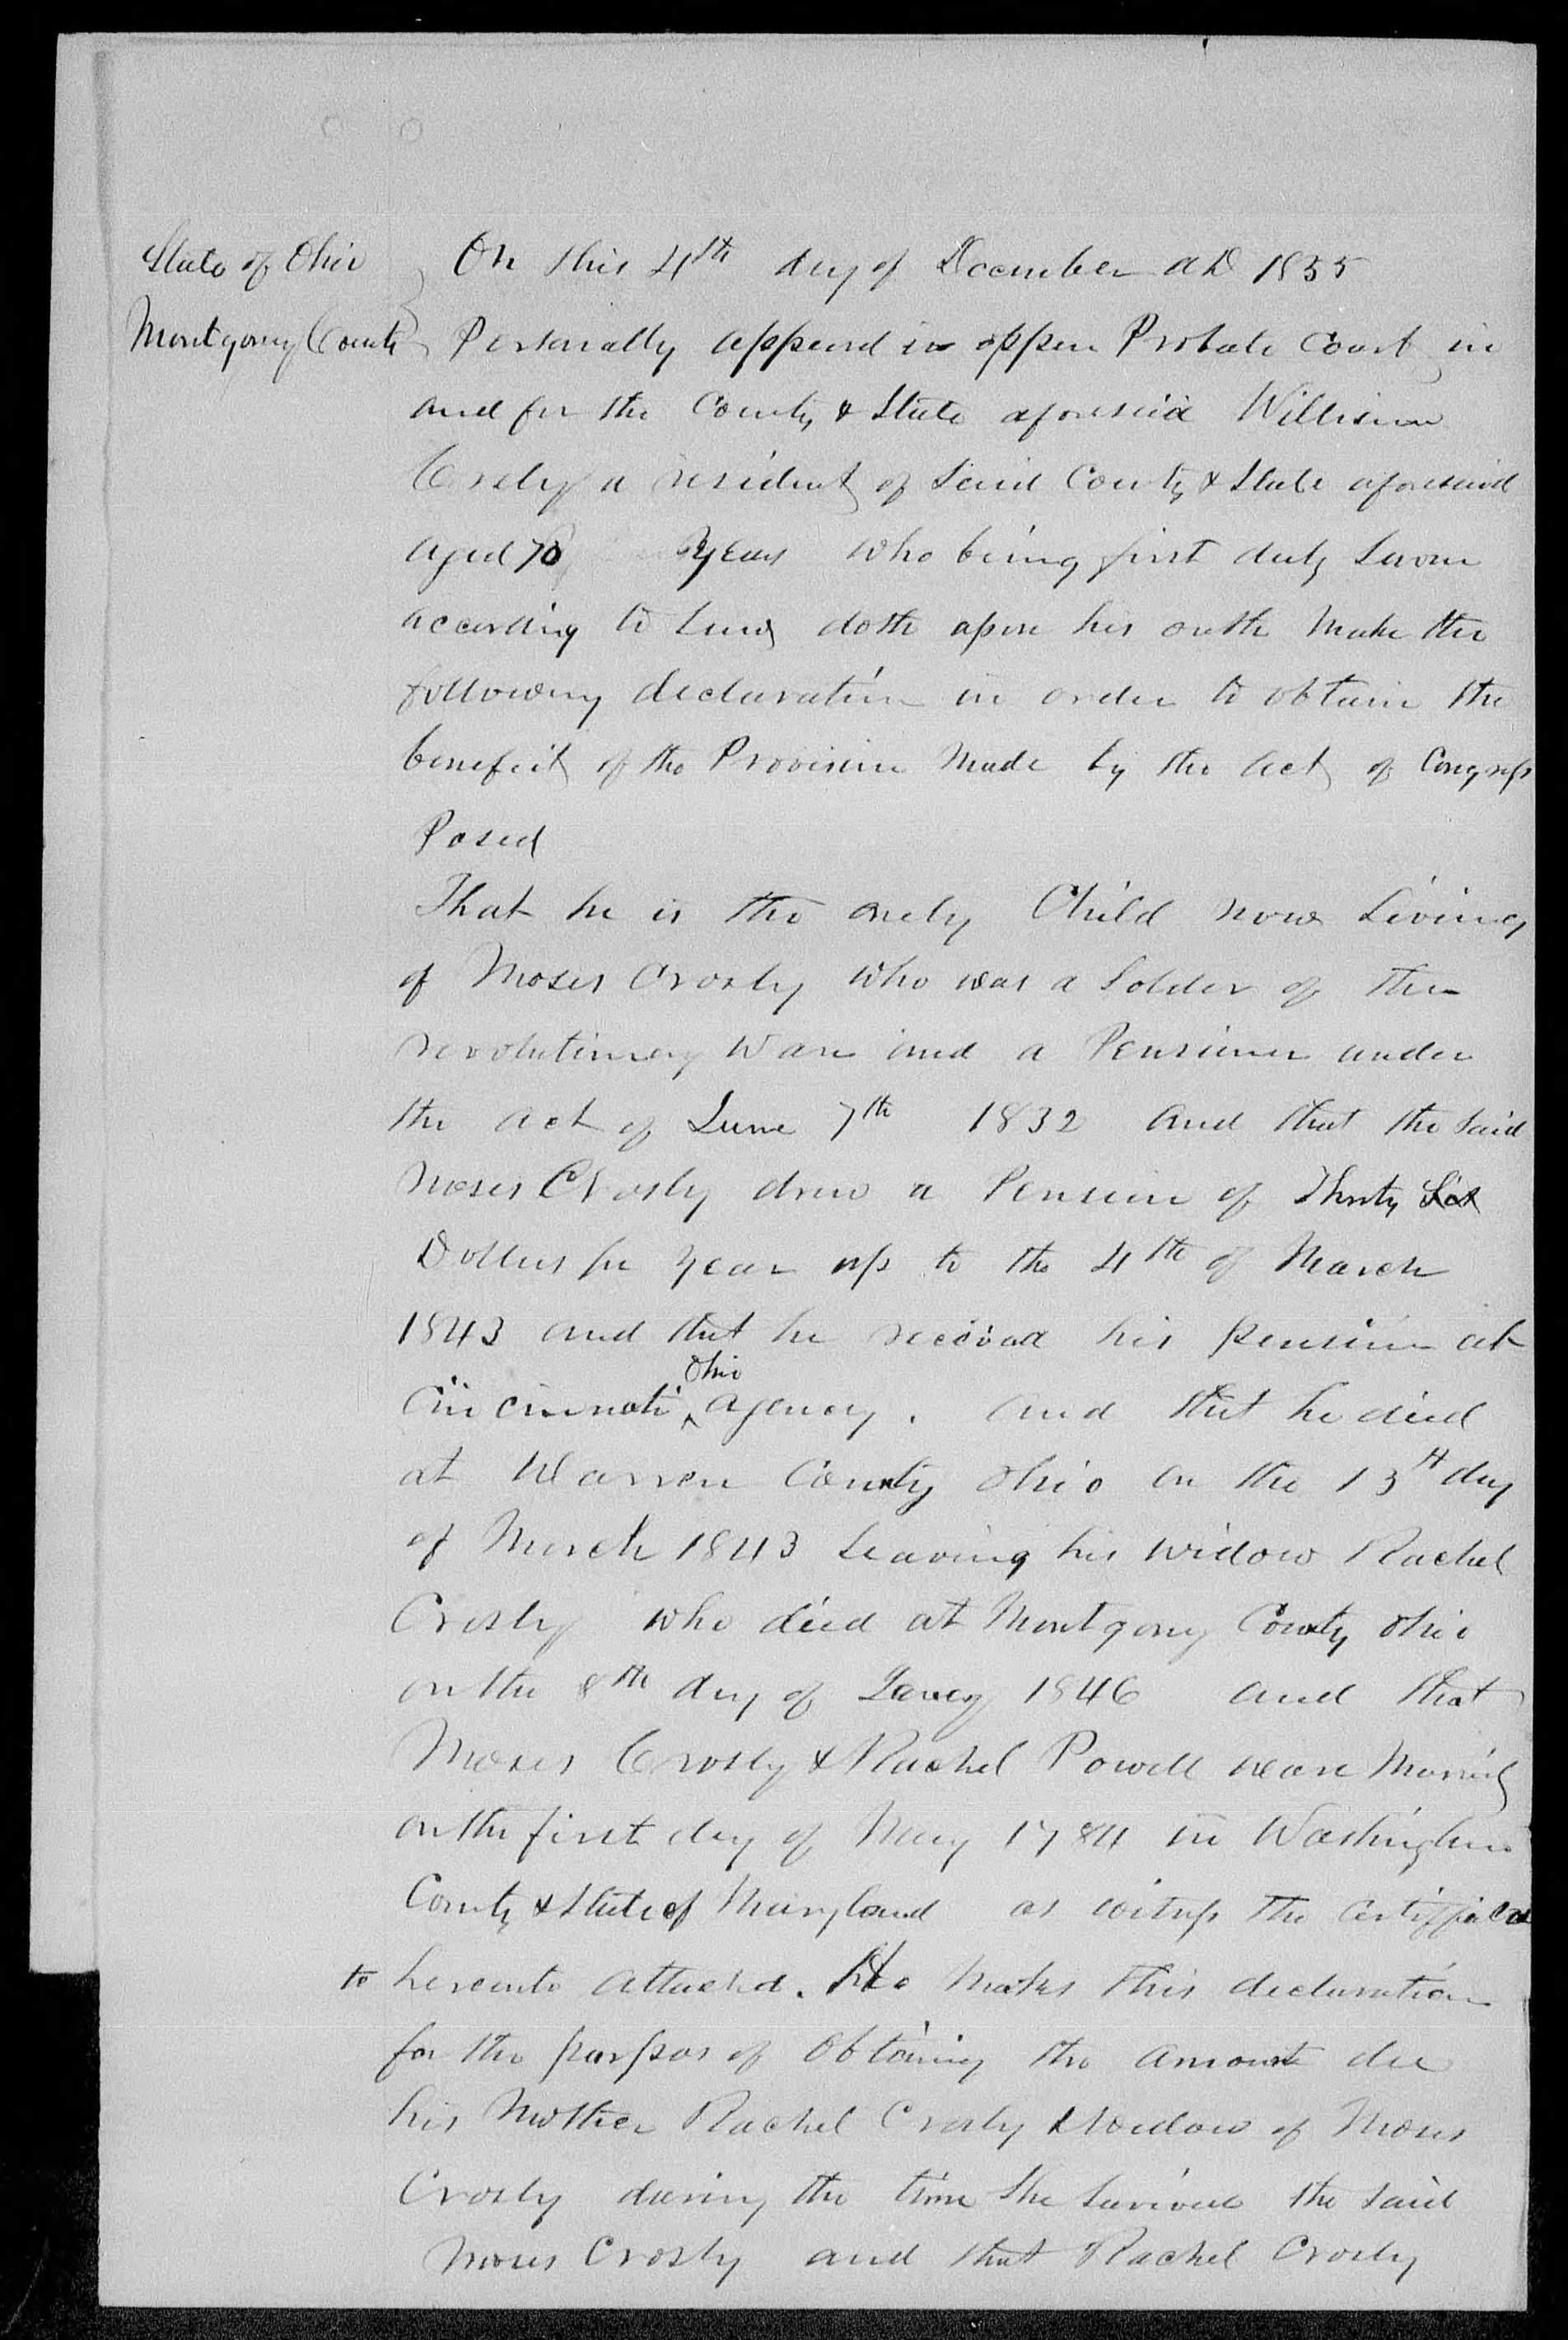State of Ohio
Montgomery County
On this 4th day of December AD 1855 personally appeared in open Probate court in and for the county and state aforesaid William Crosly, a resident of said county and state aforesaid aged seventy years who being first duly sworn according to law doth upon his oath make the following declaration in order to obtain the benefit of the Provision made by the act of Congress passed That he is the only child now living of Moses Crosly who was a soldier of the revolutionary war and a pensioner under the act of June 7th 1832 and that the said Moses Crosly  drew a pension of thirty six dollars per year up to the 4th March 1843 and that he received his pension at Cincinnati Ohio agency.  And that he died at Warren County Ohio on the 13th day of March 1843 leaving his widow Rachael Crosly who died at Montgomery County Ohio on the 8th day of January 1843 and that Moses Crosly and Rachel Powell were married on the first day of May 1784 in Washington County and State of Maryland as witness the certificate to hereunto attached.  He makes this declaration for the purpose of obtaining the amount due his mother Rachel Crosly and widow of Moses Crosly during the time she survived the said Moses Crosly and that Rachel Crosly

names: Moses Crosly, Moses Crosly, Moses Crosly, Rachel Powell, Rachel Crosly, William Crosly, Rachel Crosly, Moses Crosly, Moses Crosly, Rachel Crosly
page: 14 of 37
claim: rejected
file: R. 2516, Moses Crosley, Md.